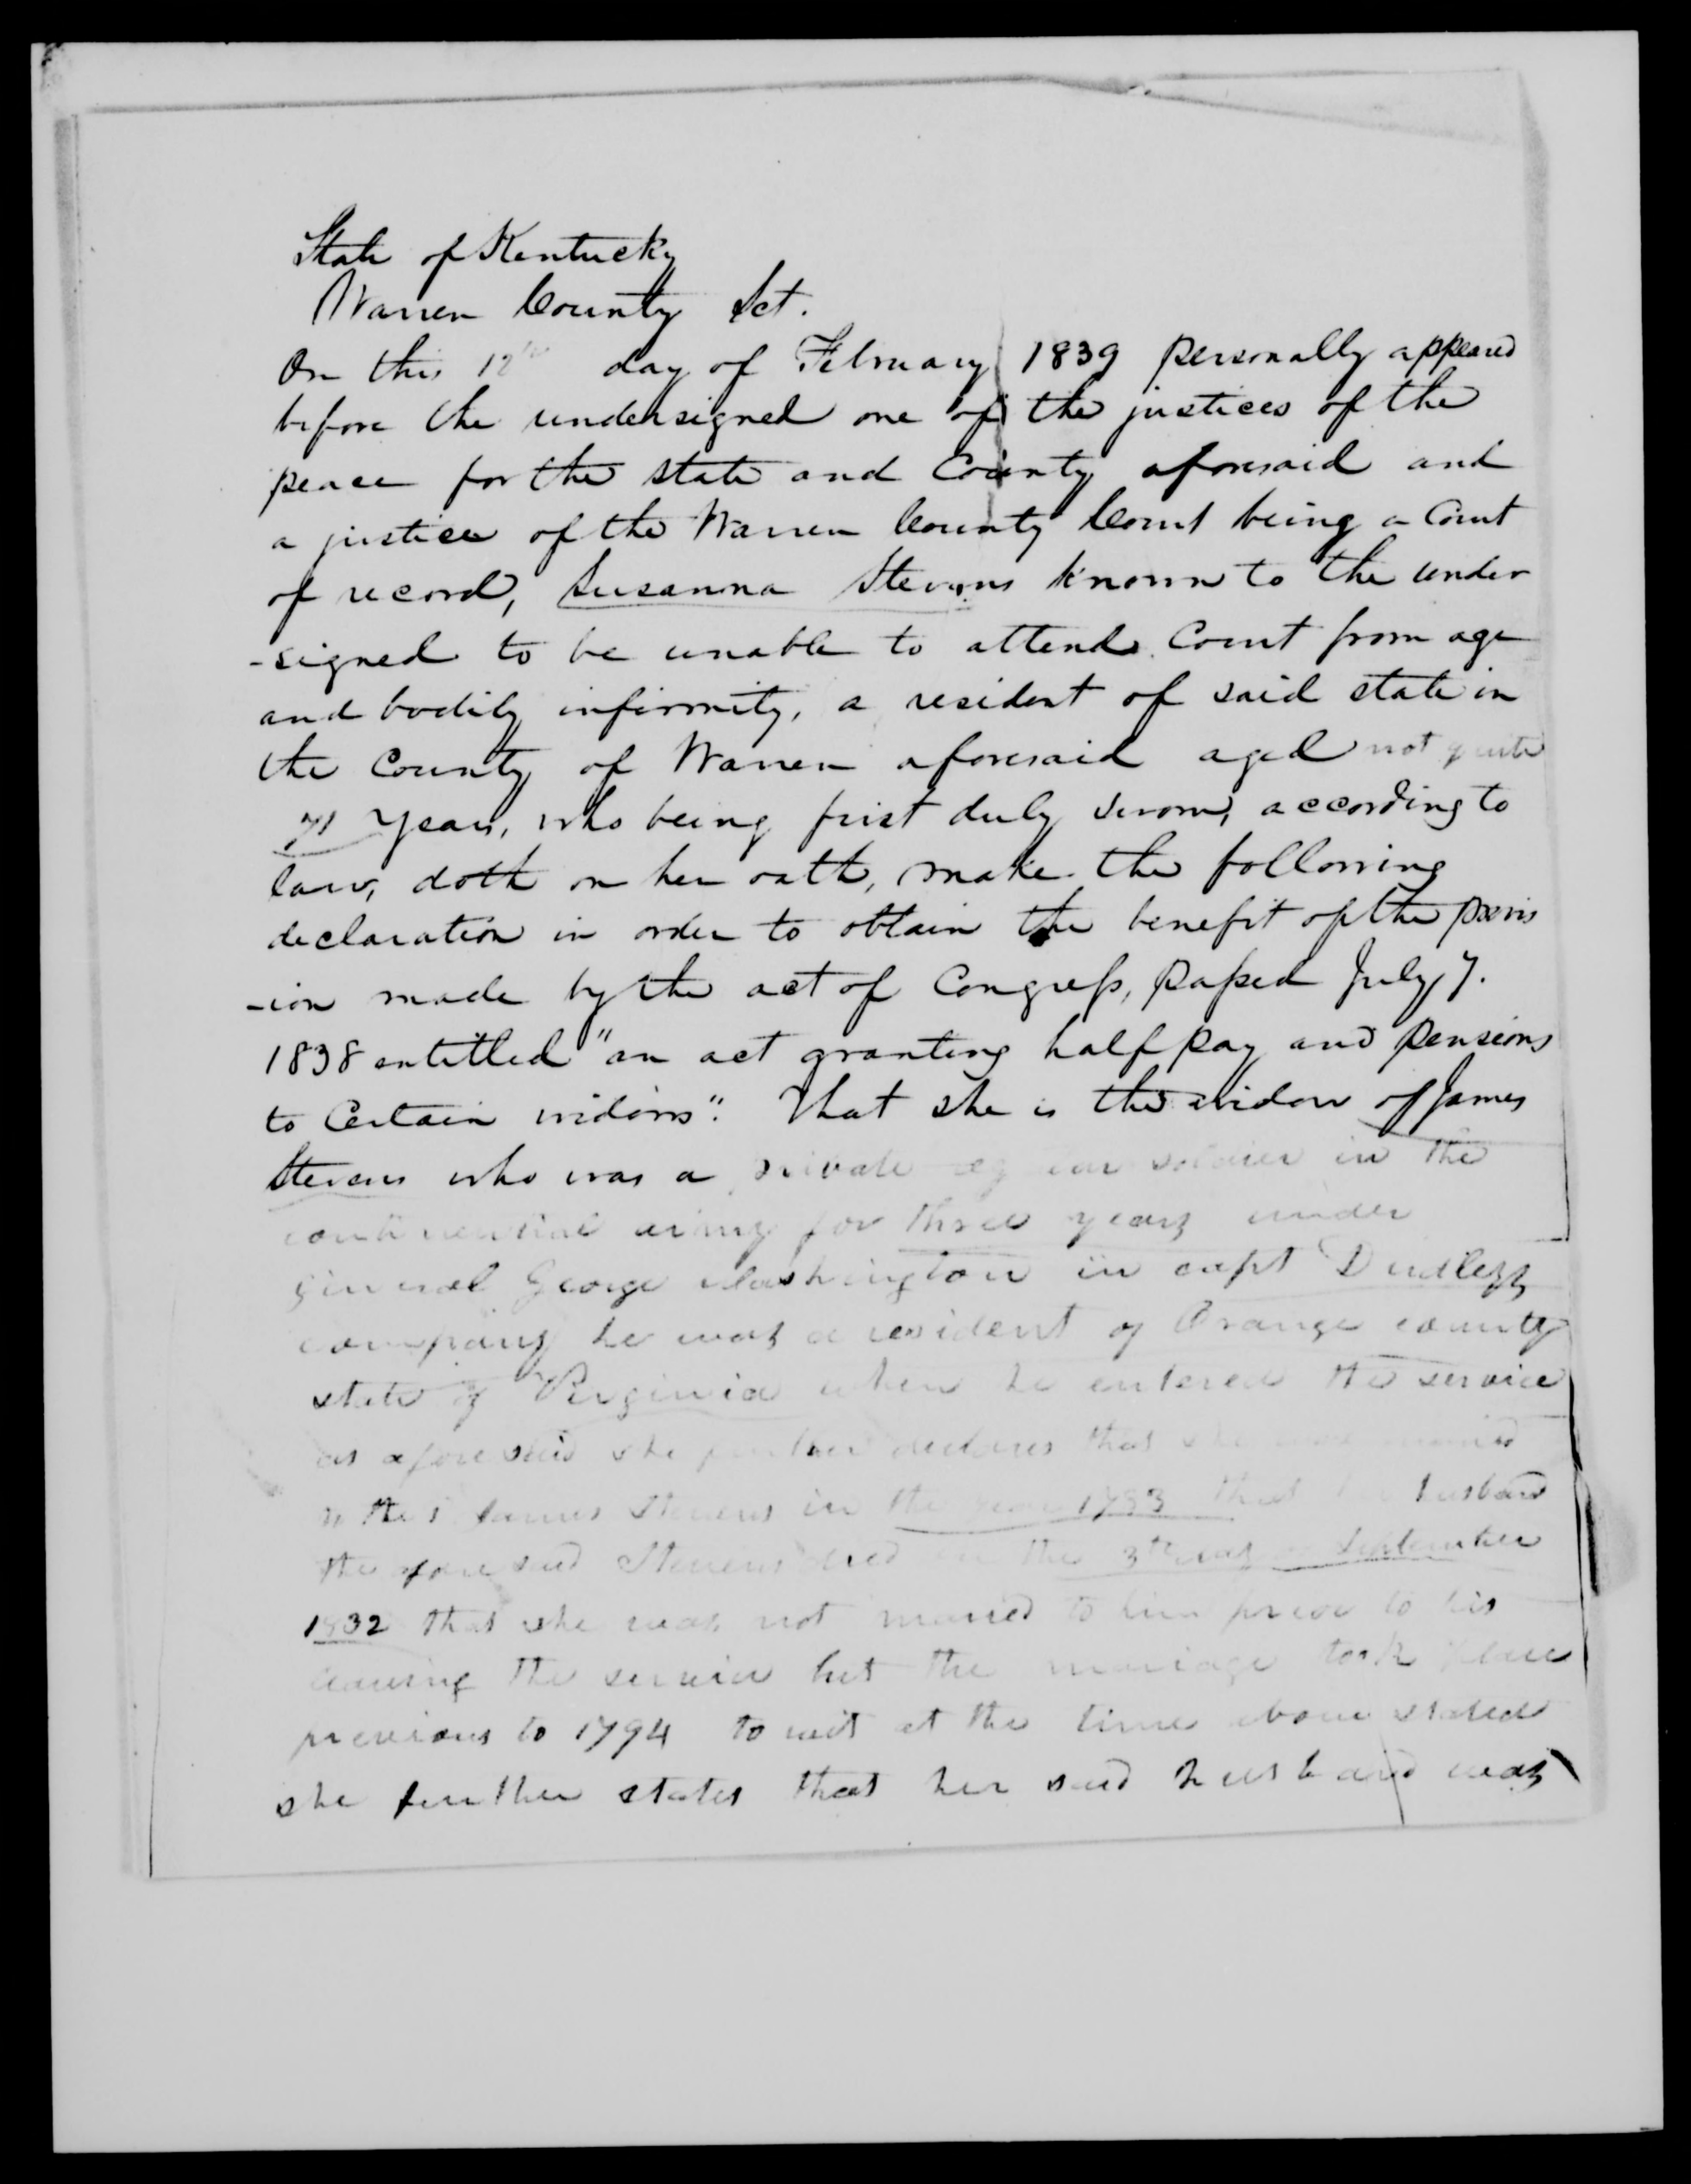State of Kentucky
Warren County Sct.
On this 12h day of February 1839 personally appeared before the undersigned one of the justices of the peace for the state and County aforesaid and a justice of the Warren County Court being a Court of record, Susanna Stevens known to the undersigned to be unable to attend Court from age and bodily infirmity, a resident of said state in the county of Warren aforesaid aged not quite 71 years, who being first duly sworn, according to law, doth on her oath, make the following declaration in order to obtain the benefit of the pension made by the act of Congress, passed July 7. 1838 entitled "an act granting half pay and pensions to Certain widows". That she is the widow of James Stevens who was a private [illegible]tur soldier in the continential army for three years under General George Washington in capt Dudleys company he was a resident of Orange county state of Virginia when he entered the service as aforesaid she further declares that she was [illegible] this James Stevens in the year 1783 that her husband the aforesaid Stevens died on the 3 day of September 1832 that she was not maried to him prior to his leaving the service but the mariage took place previous to 1794 to wit at the time above stated she further states that her said husband [illegible]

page: 23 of 99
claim: widow's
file: W 8766, for James Stevens, Virginia